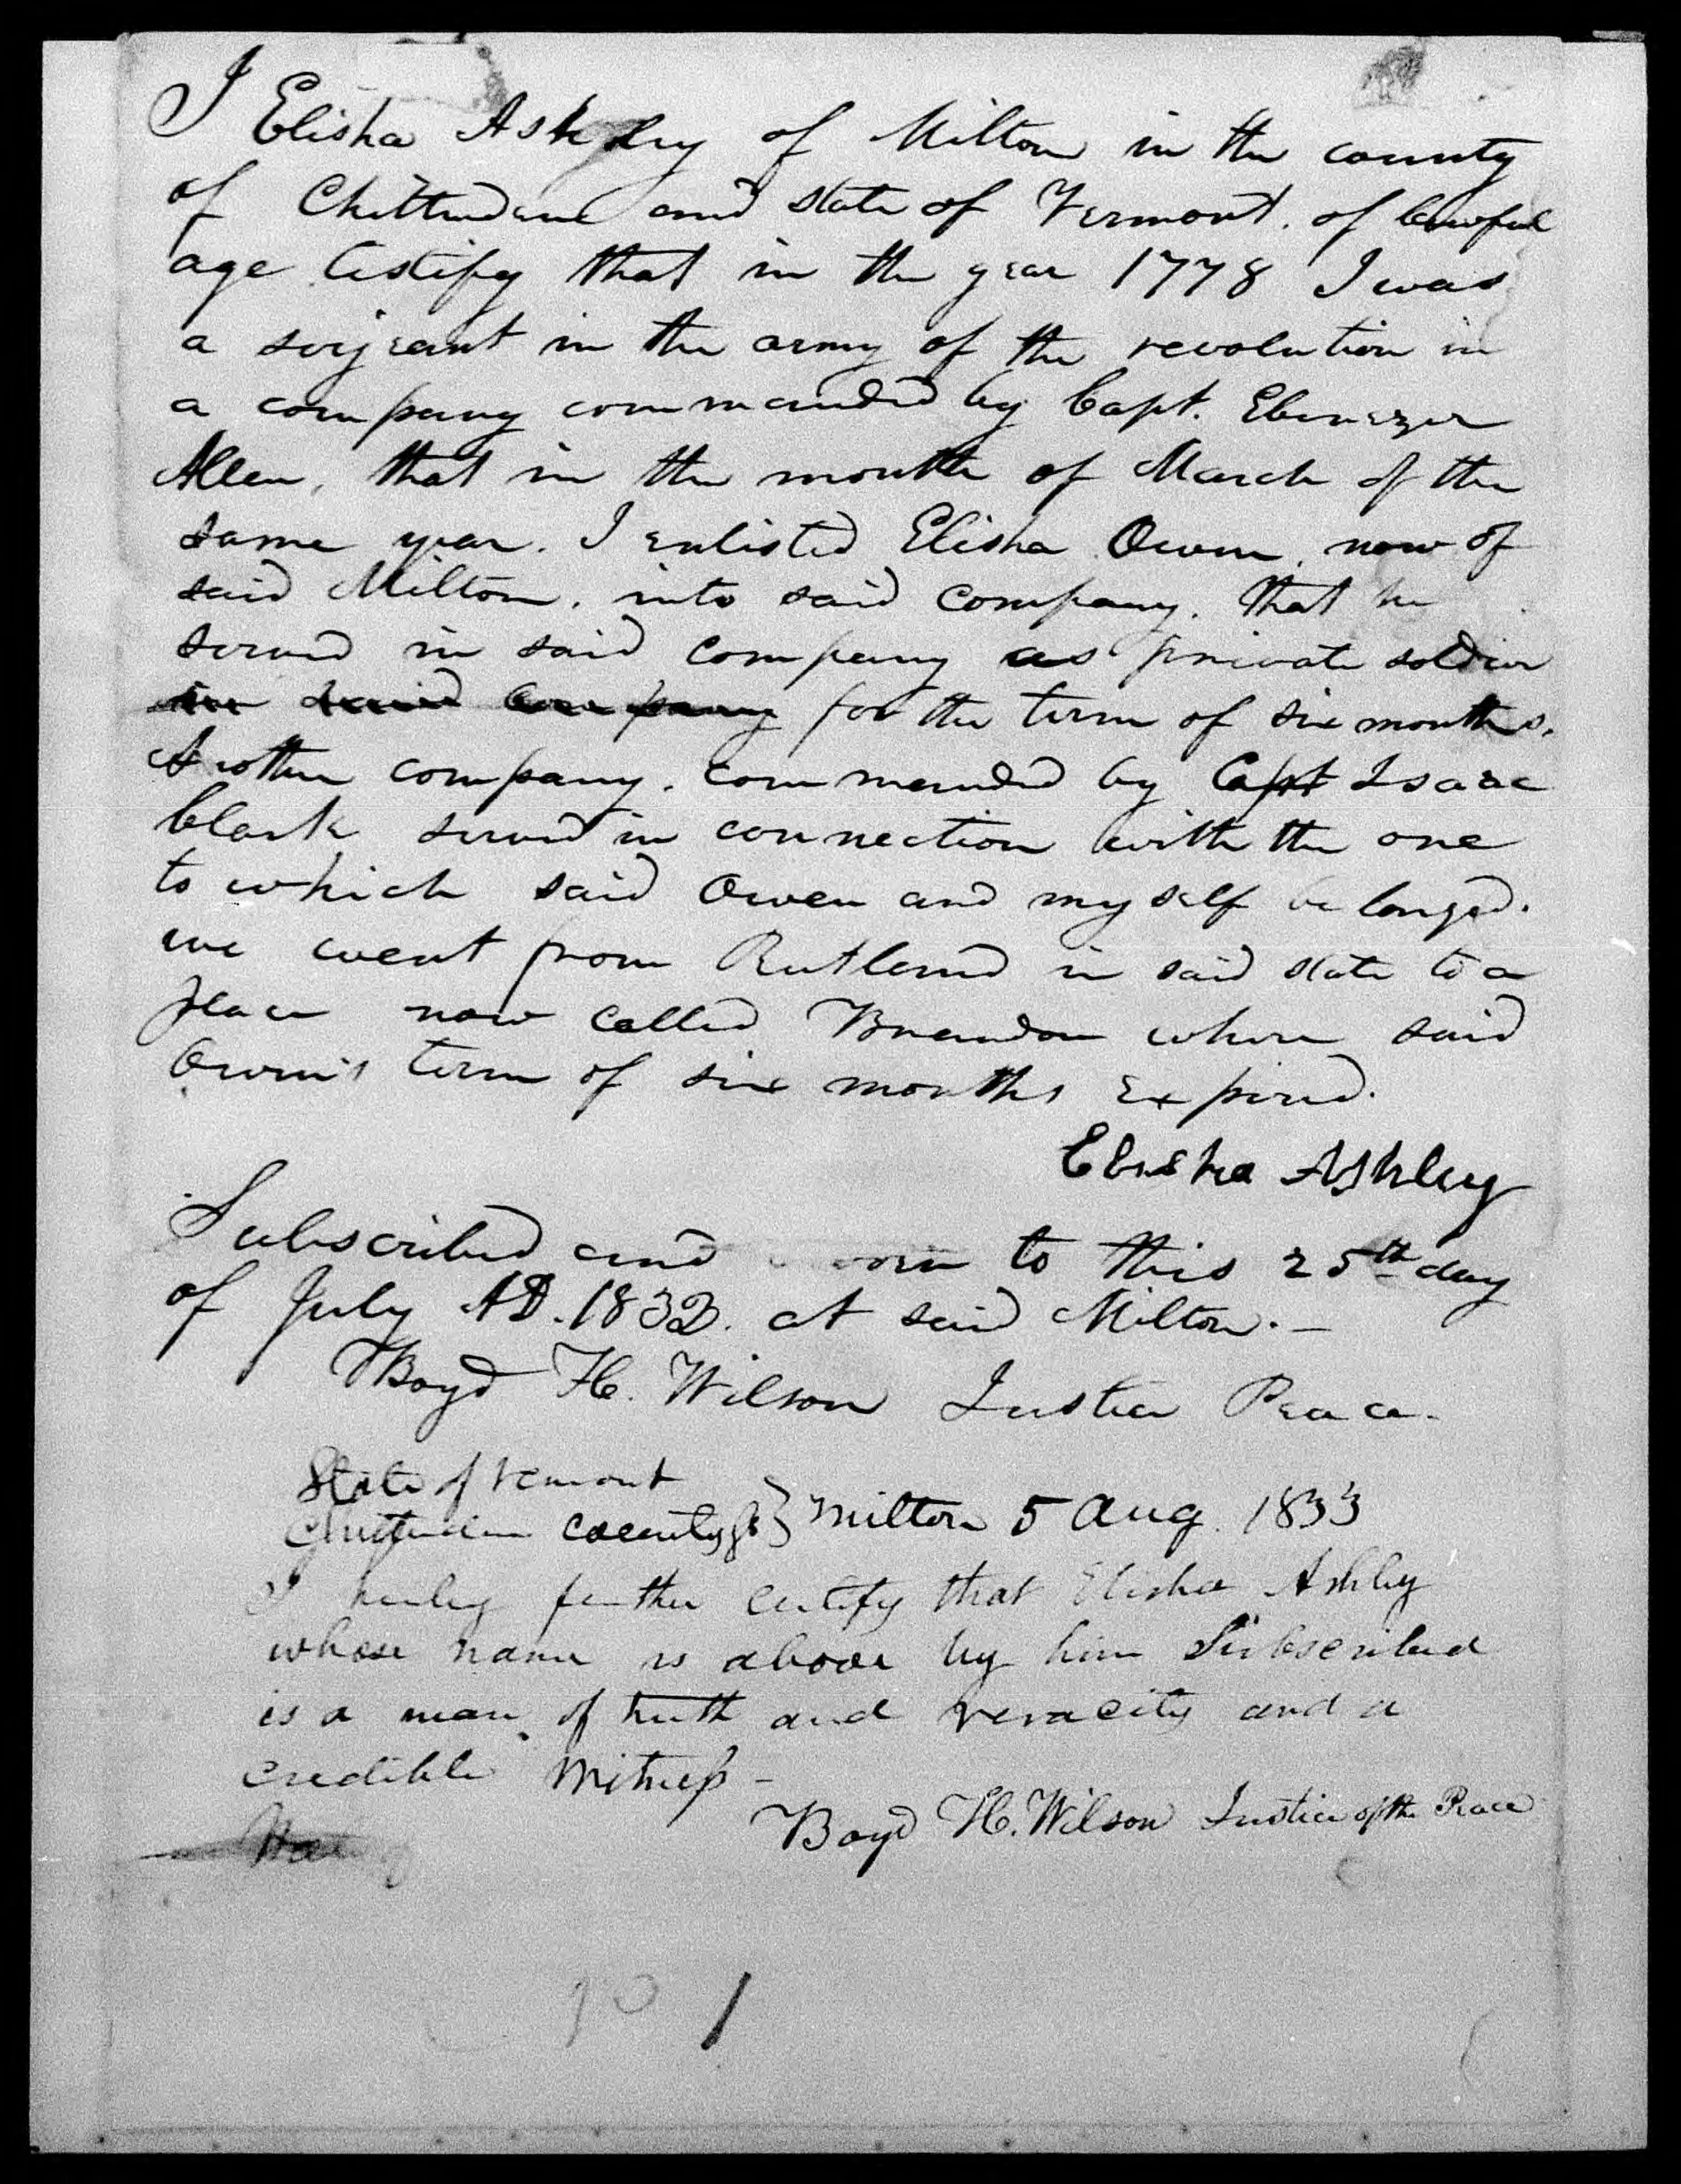I Elisha Ashley of Milton in the county of Chittenden and state of Vermont of lawful age testify that in the year 1778 I was a sarjeant in the army of the revolution in a company commanded by Capt. Ebenezer Allen. That in the month of March of the same year I enlisted Elisha Owens, now of said Milton, into said company. That he served in said company as private soldier [illegible] for the term of six months. Another company commanded by Capt Isaac Clark served in connection with the one to which said Owen and myself belonged. We went from Rutland in said state to a place now called Brendon where said Owen's term of six months expired.
Elisha Ashley
Subscribed and sworn to this 25th day of July AD. 1832 at said Milton. 
Boyd H. Wilson Justice Peace.

State of Vermont
Chittenden county}Milton 5 Aug, 1866
I hereby further certify that Elisha Ashley whose name is above by him Subscribed is a man of truth and veracity and a credible witness.
Boyd H. Wilson Justice of the Peace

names: Boyd H Wilson; Isaac Clark; Elisha Ashley; [BLANK] Milton; Elisha Owen; Ebenezer Allen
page: 19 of 23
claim: survivor's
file: S 14072, for Elisha Owen, Vermont